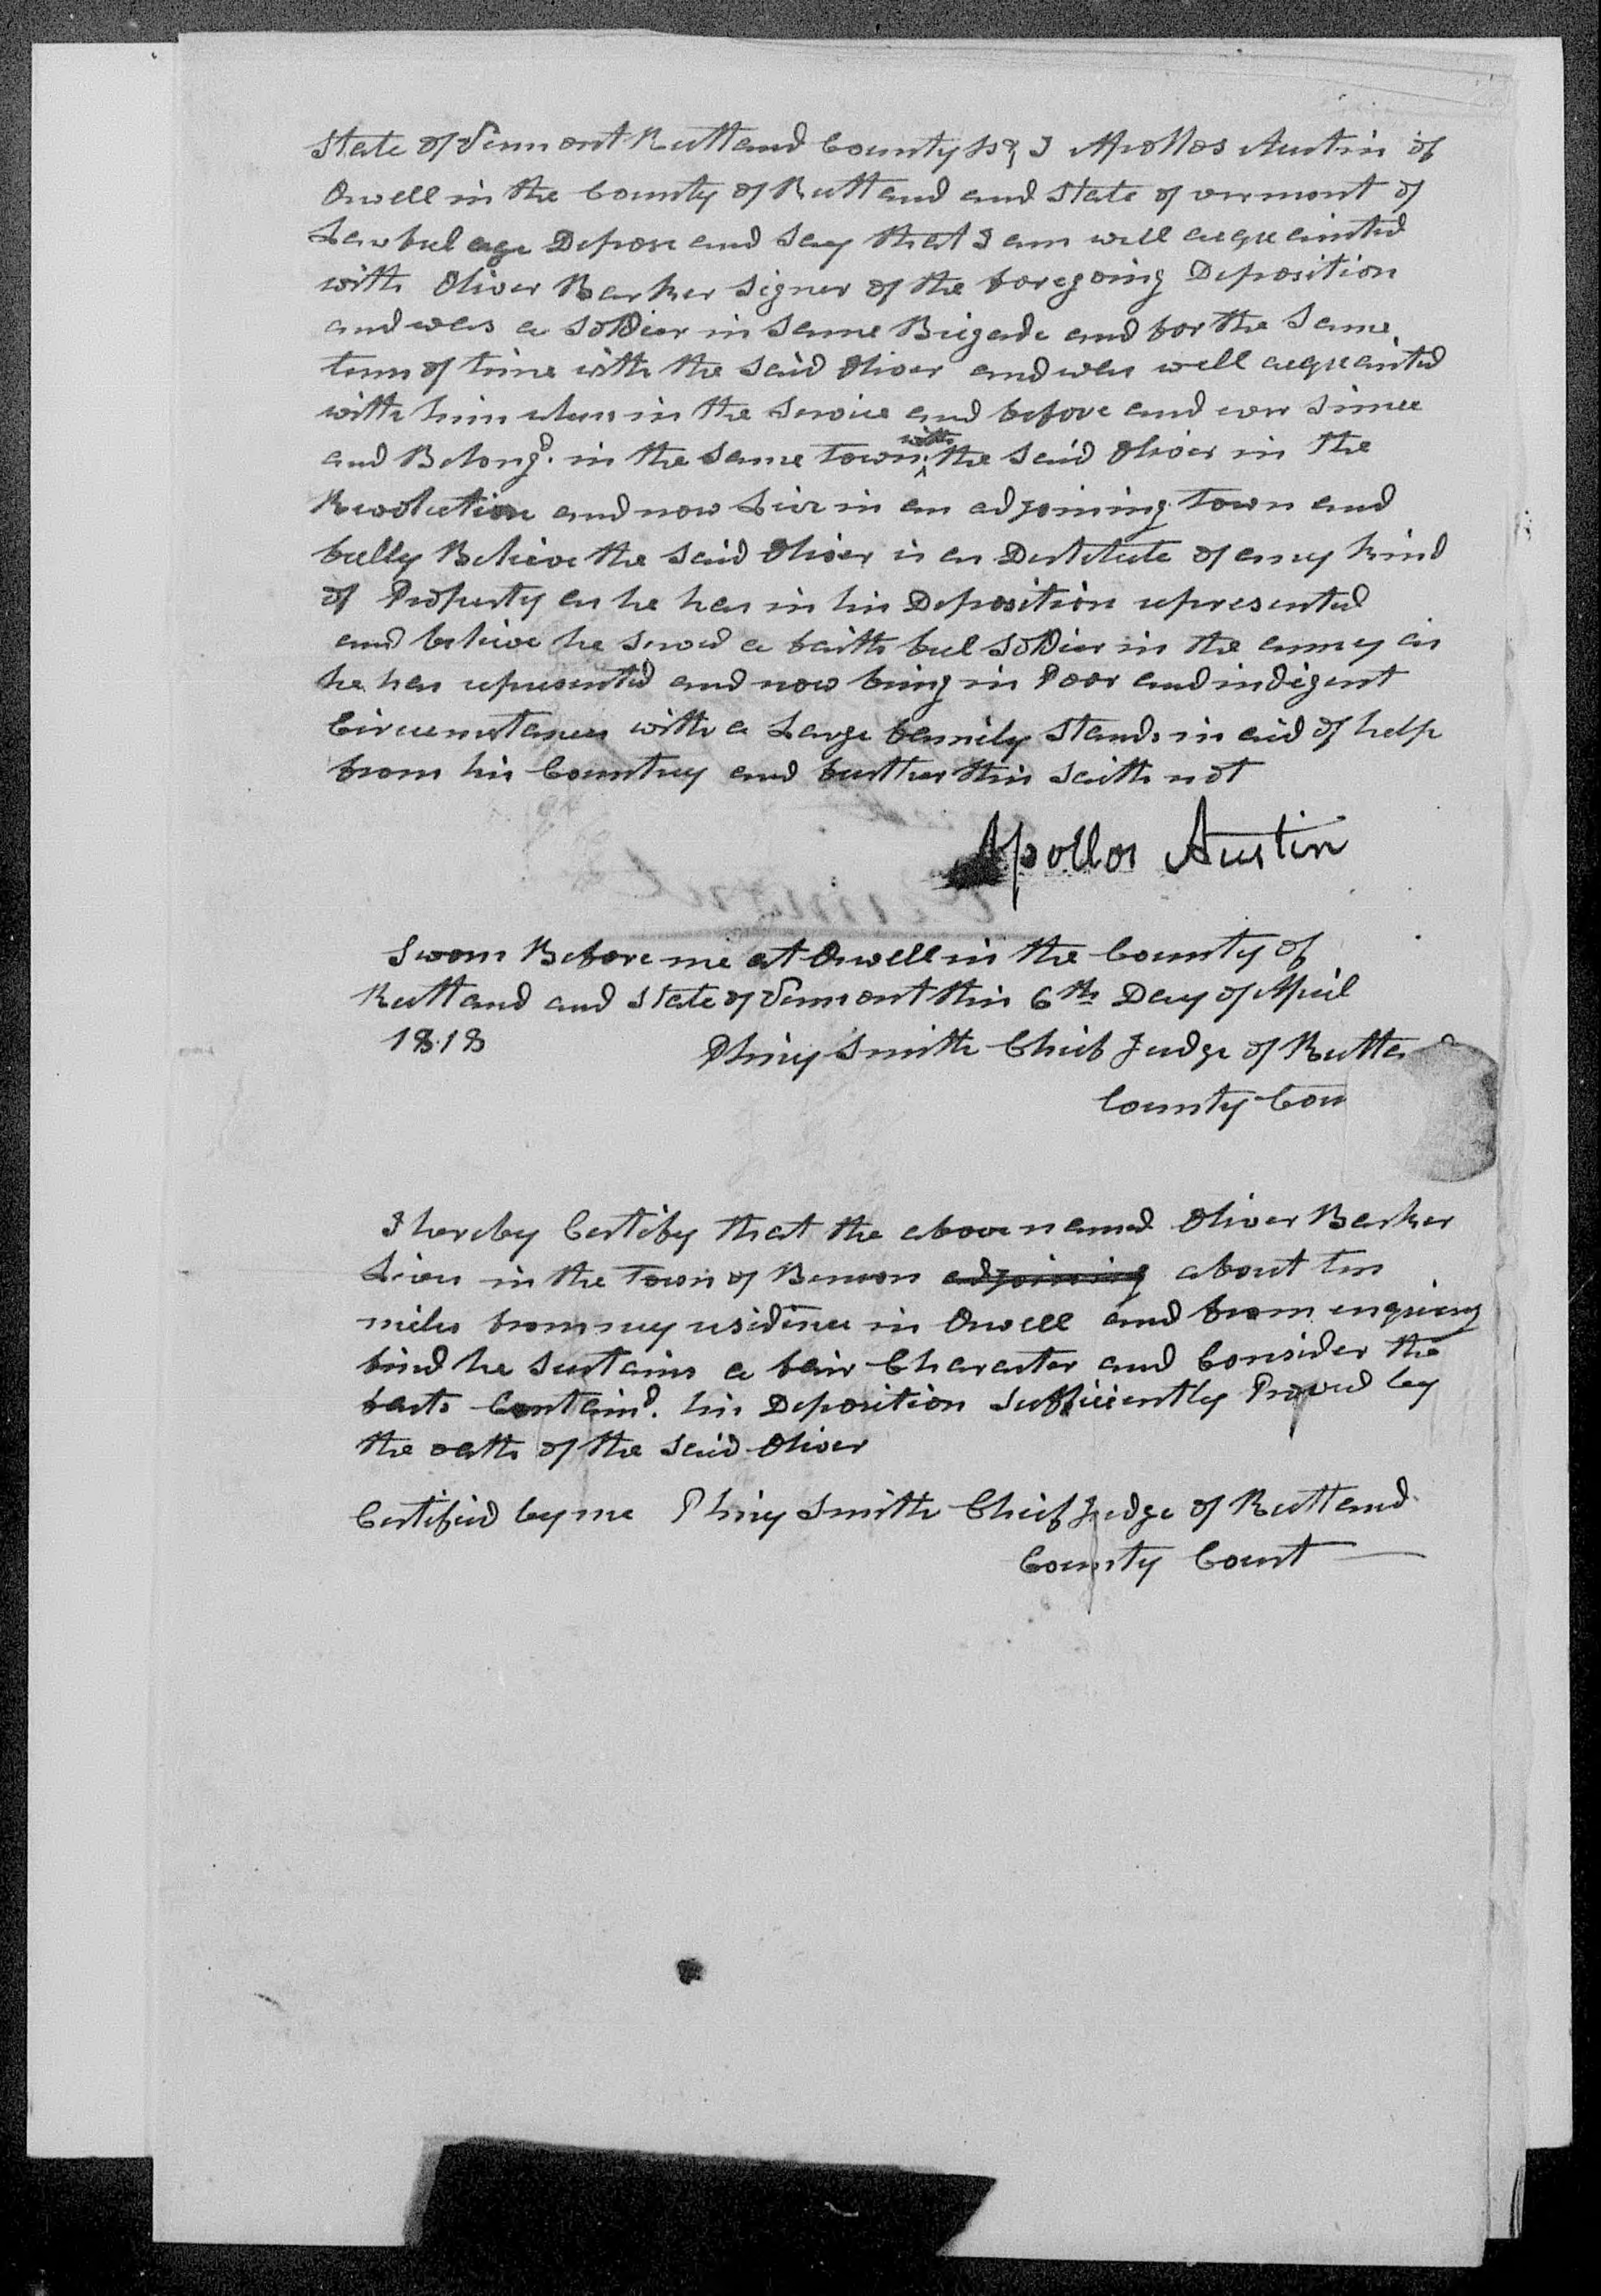State of Vermont Rutland County SS } I Apollos Austin of well in the County of Rutland and State of Vermont of Lawful age Depose and say that I am well acquainted with Oliver Barker signer of the foregoing Deposition and was a soldier in same Brigade and for the same term of time with the said Oliver and was well acquainted with him when in the service and before and ever since and Belonged in the same town as  the said Oliver in the Revolution and now live in an adjoining town and fully Believe the said Oliver is as destitute of any kind of Property as he has in his Deposition represented and believe he served a faithful soldier in the army as he has represented and now being in poor and indigent Circumstances with a large family stands in aid of help from his country and further this saith not 
Apollos Austin 
Sworn Before me at Orwell in the County of Rutland and State of Vermont this 6th Day of April 18.18 
Pliny Smith Chief Judge of Rutland County Court 
I hereby certify that the above named Oliver Barker lives in the town of Benton about ten miles from my residence in Orwell and from enquiry find he sustains a fair character and consider the facts contain his Deposition sufficiently proved by the oath of the said Oliver 
Certified by me Pliny Smith Chief Judge of Rutland County Court-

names: Pliny Smith, Apollos Austin, Apollos Austin, Oliver Barker, Oliver, Pliny Smith, Oliver Barker, Oliver, Oliver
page: 51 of 51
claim: widow's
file: W. 1698, Oliver Barker, Conn.